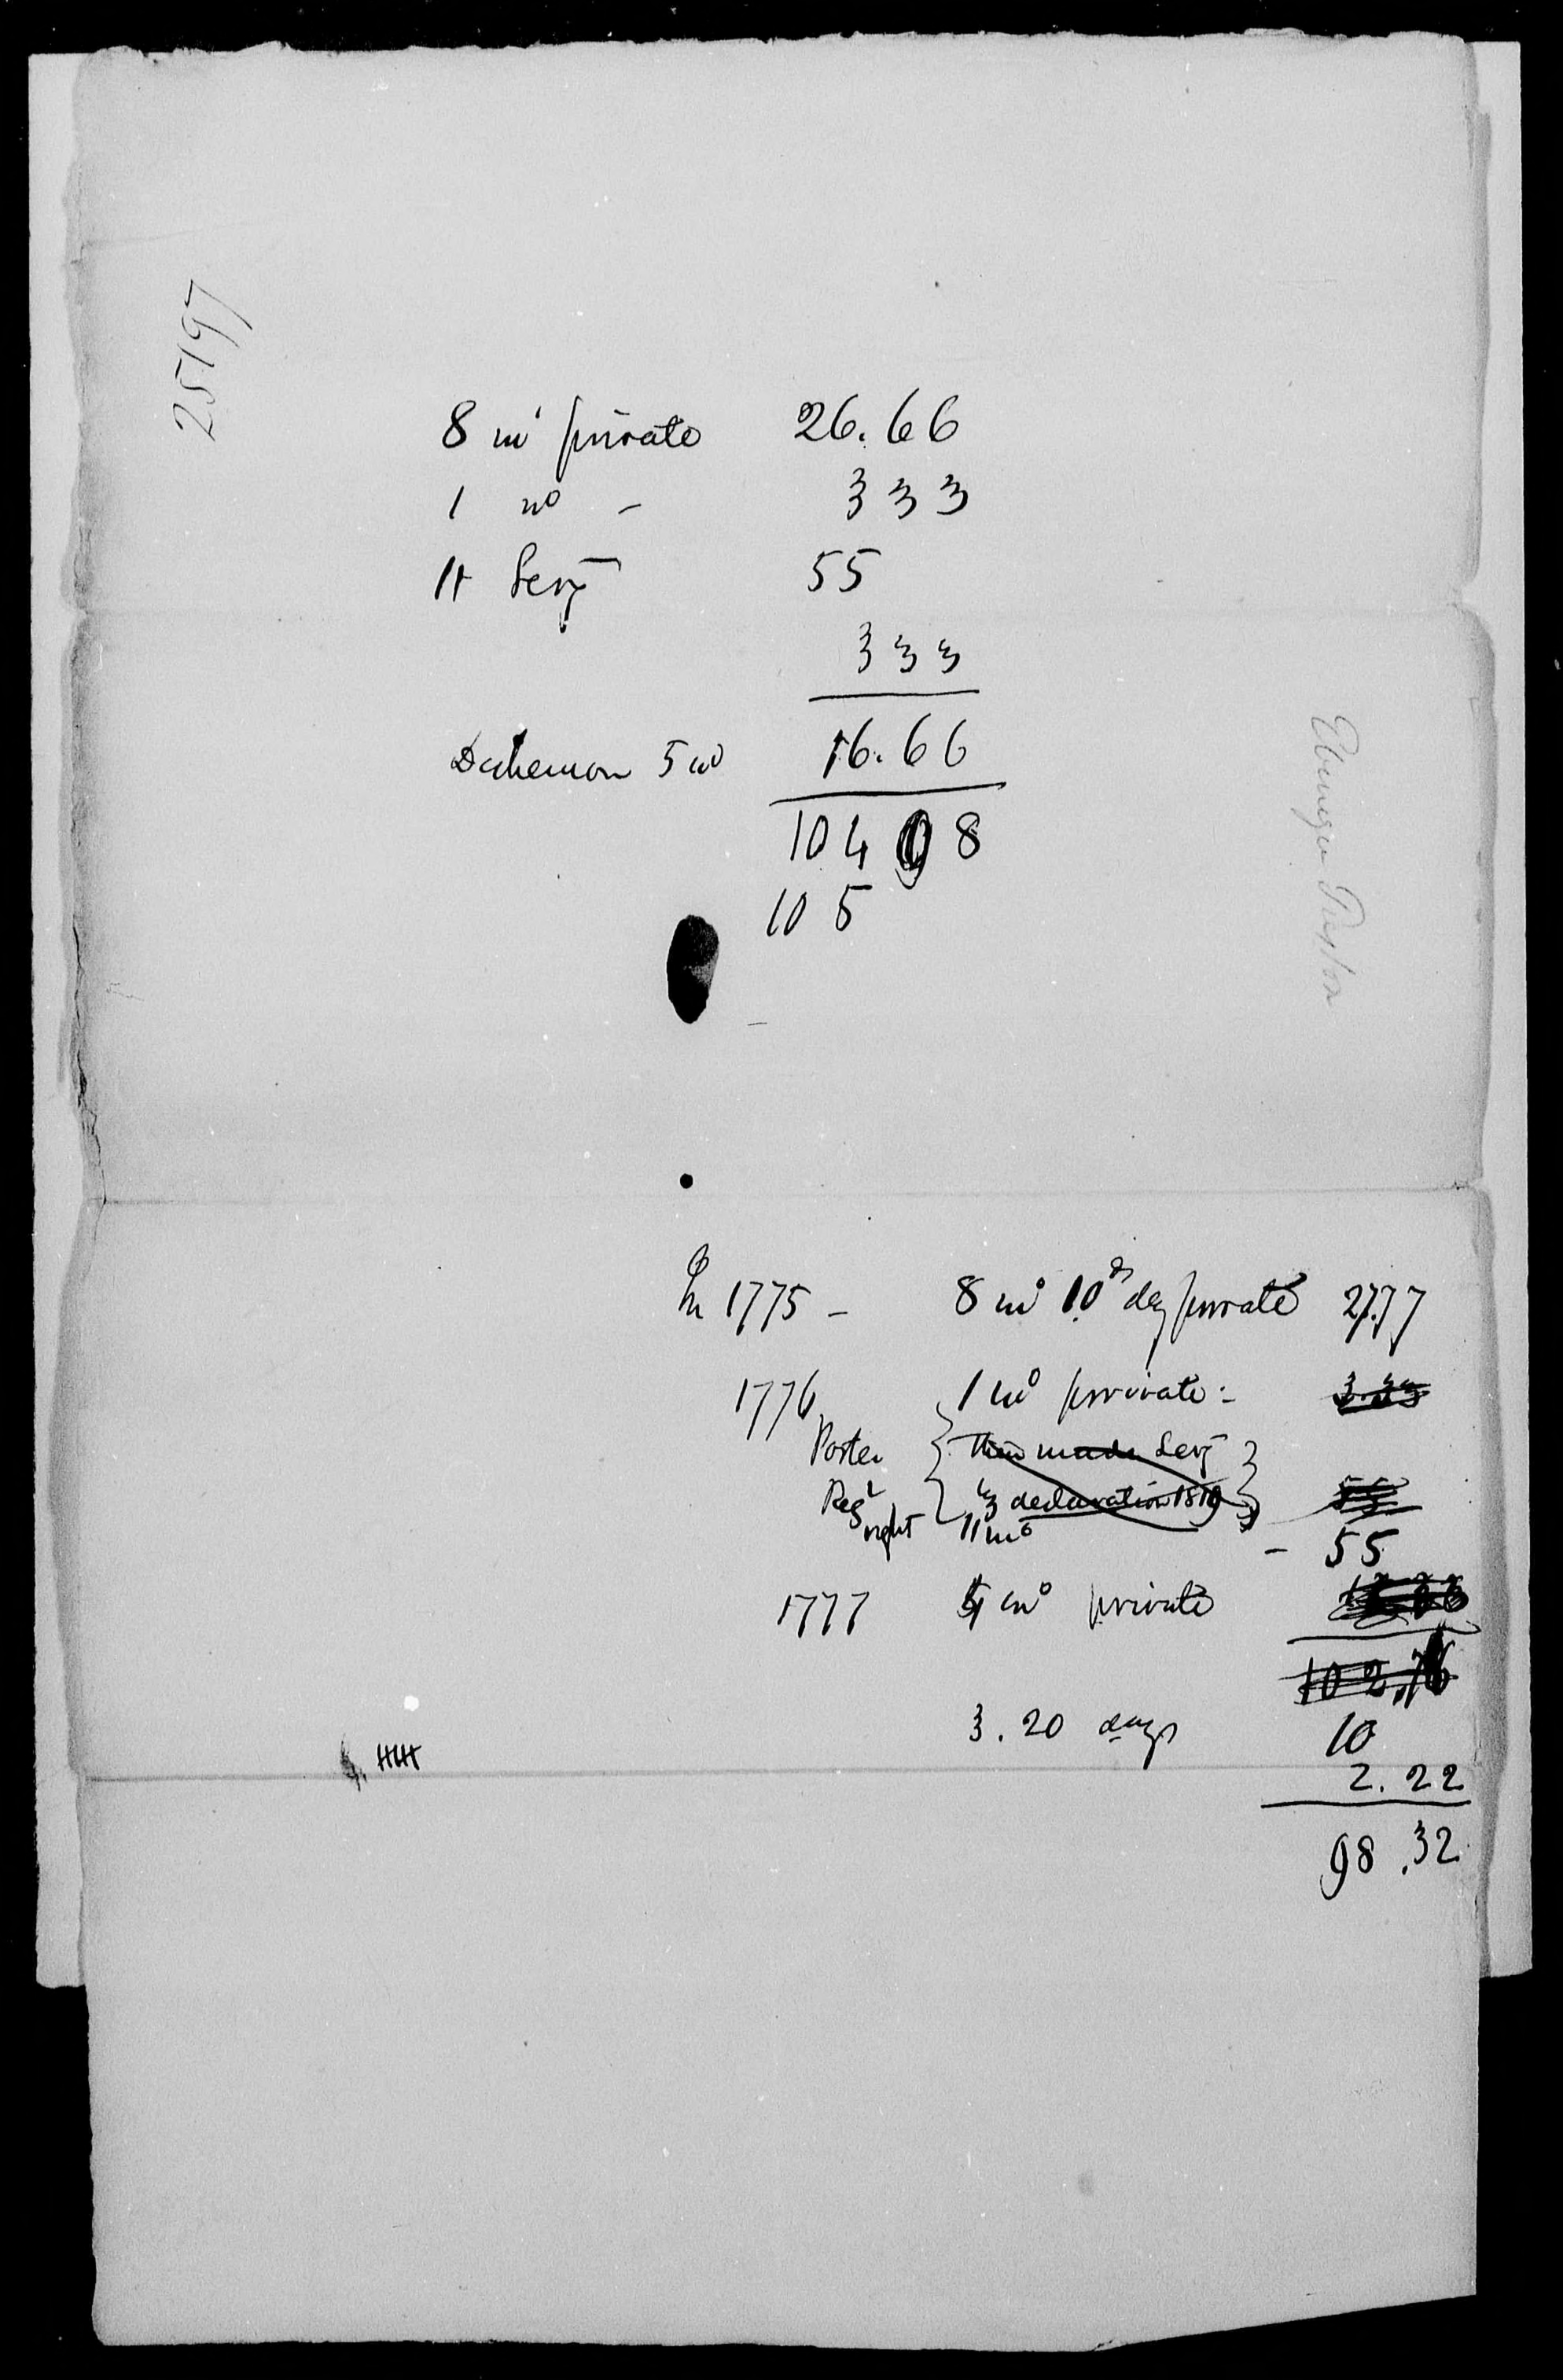25197 
8 in private  26.66
1 mo 3.33
11 sergeant 55
333
====
Dechenon 16.66
====
104.98
105

In 1775 8m 10d private 27.77
1776 1 mo private
Porter Regt 
11 mo - 55
1775 5 m private
3.20 days 10
2.22
----
98.32



no It her Ducheman 5 26.66 333 55 33 16.66 - 10408 ing In 1775- 8 on 10th day purate 2777 1776, Porter Regt 1 private the made 1 ⎬ declaration 1777 to private 3.20 days I To 10 2. 22 1832

Ebenezer Boston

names: Porter, Ebenezer Porter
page: 13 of 48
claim: survivor's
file: S. 17343, Lemuel Clarke, Mass.